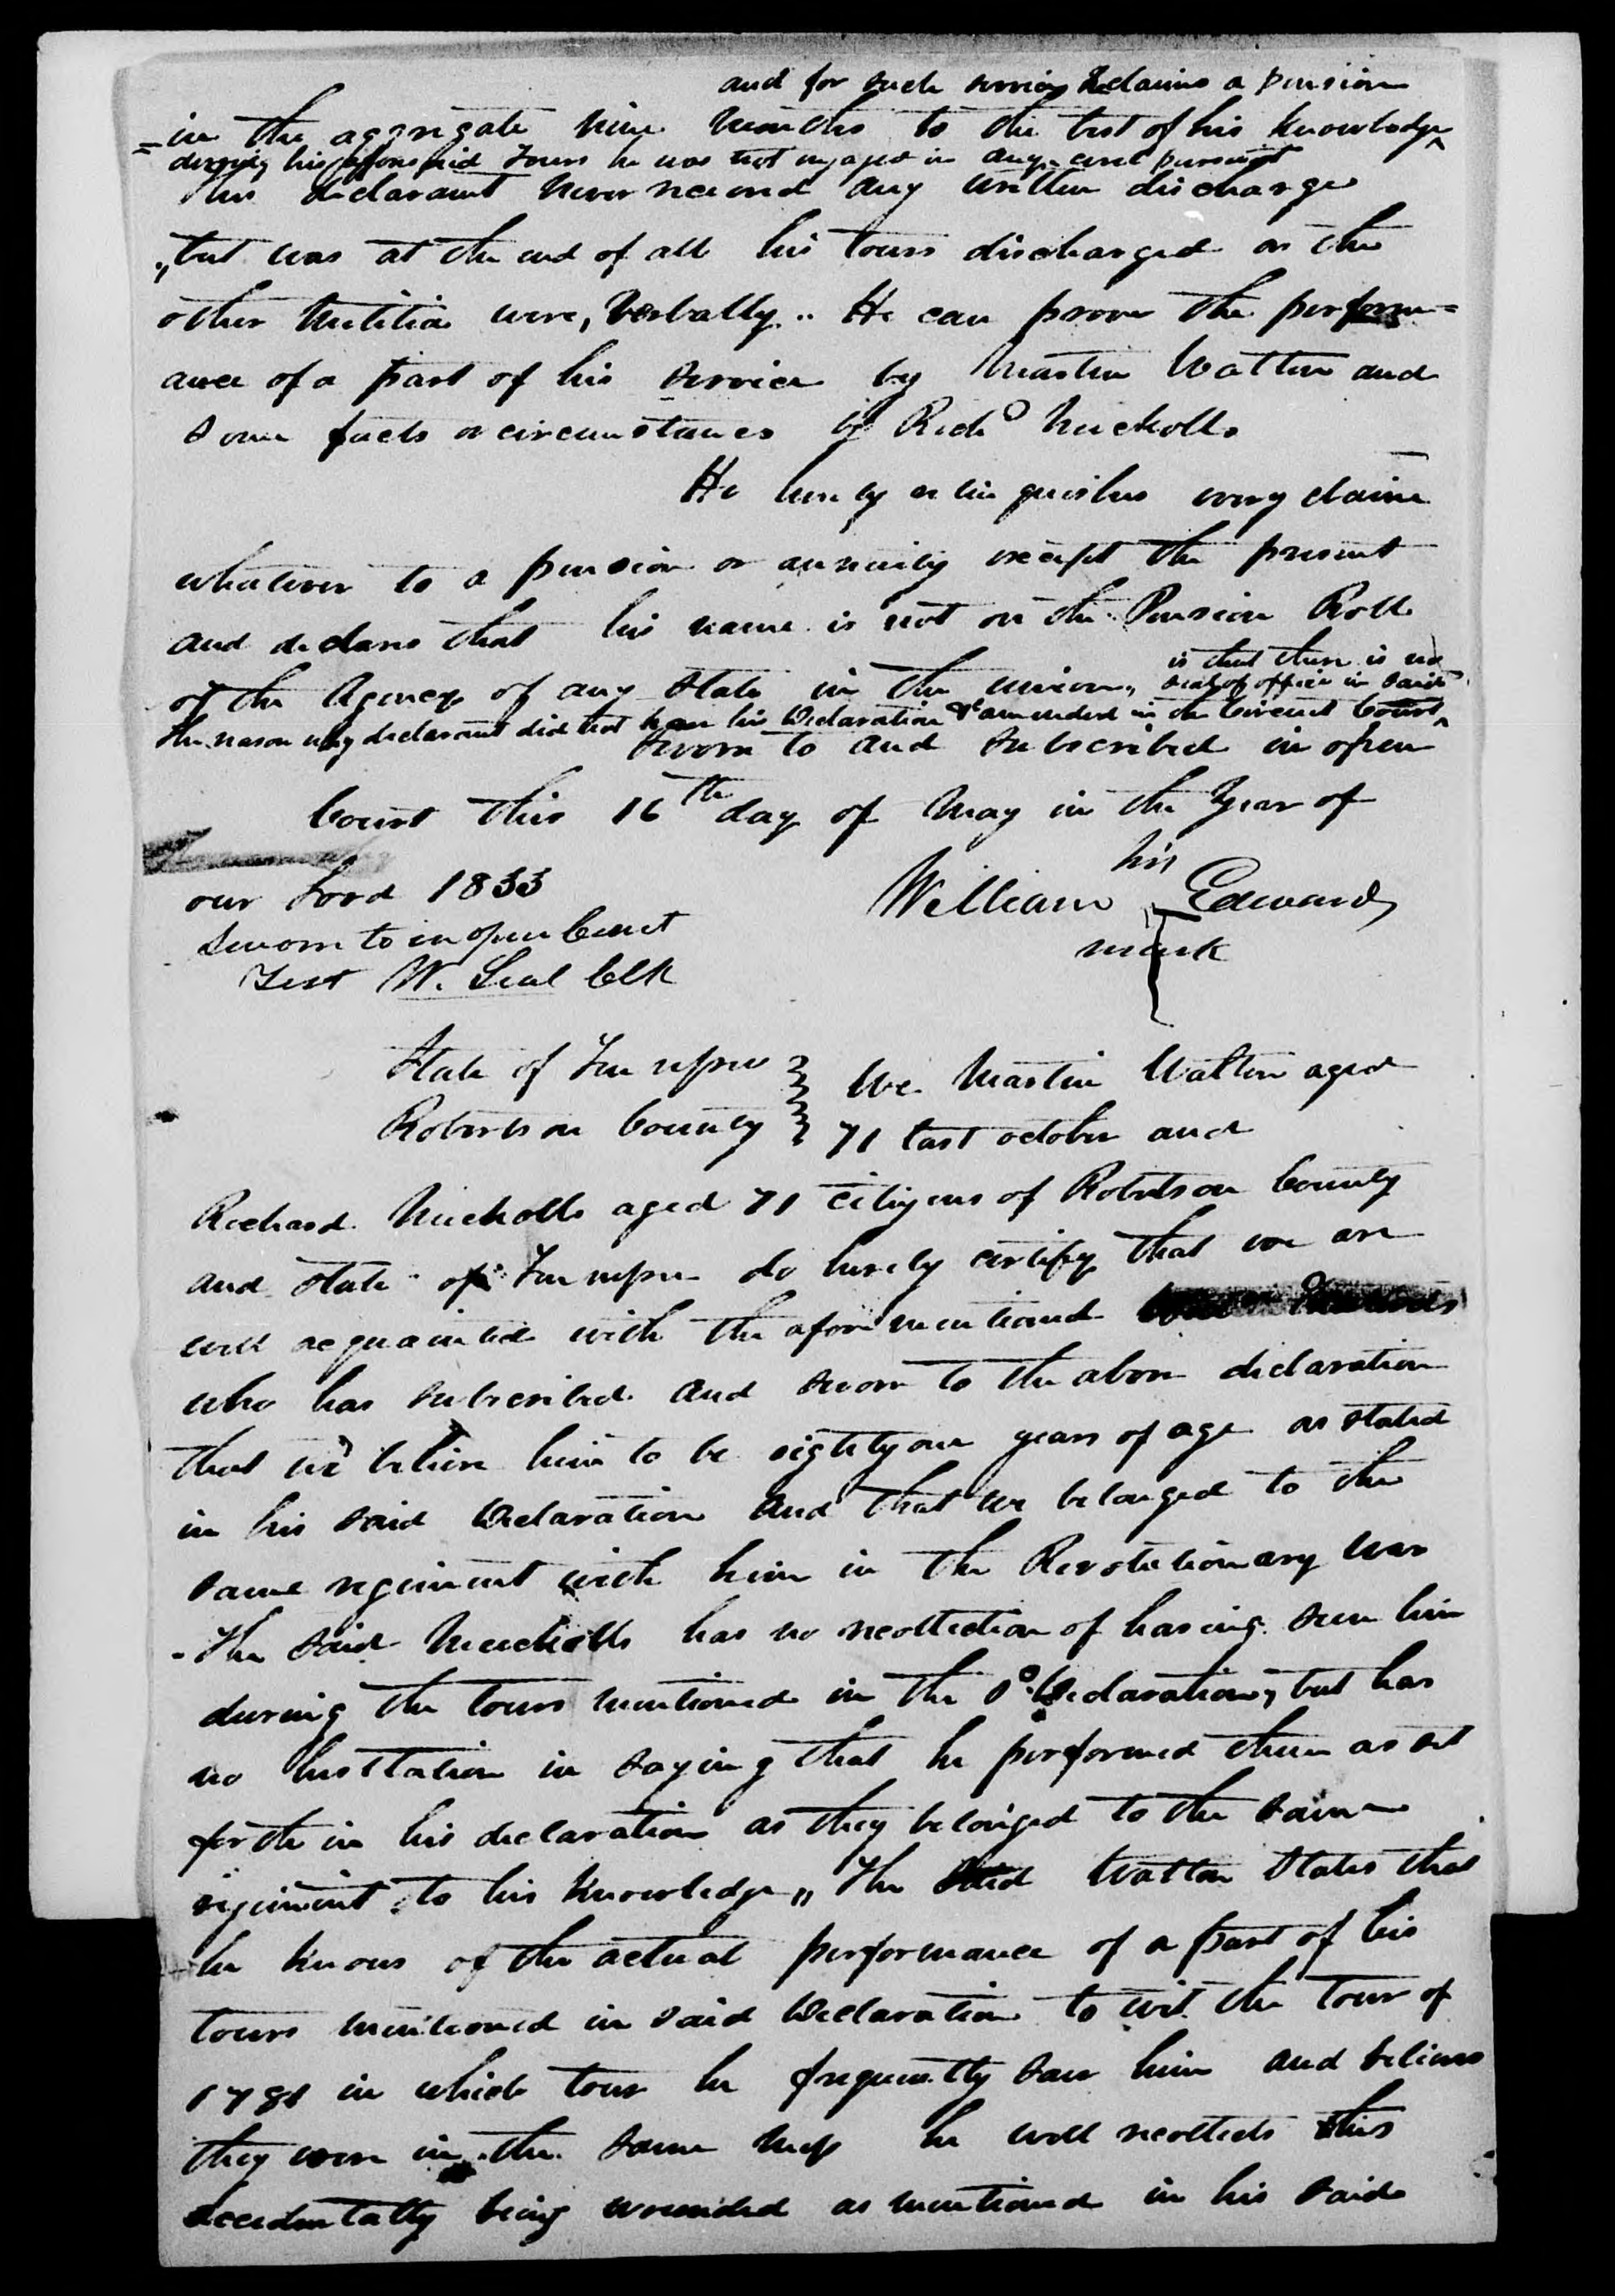in the aggregate nine months to the best of his knowledge and for such services he claims a pension during his aforesaid tours he was not [illegible] and pursuit This declarant never received any written discharge but was at the end of all his tours discharged as the other Militia were, verbally.. He can prove the performance of a part of his service by Martin Walton and some facts or circumstances by Richd Nuckolls.
He hereby relinquishes every claim whatever to a pension or annuity except the present and declares that his name is not on the Pension Roll of the Agency of any state in the union, The reason why declarant did not have his Declaration & amended in a Circuit Court is that there is no seal of office in said 
Sworn to and subscribed in open Court this 16th day of May in the year of our Lord 1833
William Edwards x his mark
Sworn to in open Court
Test W. Seal Clk

State of Tennessee} We Martin Walton aged
Robertson County} 71 last october and Richard Nuckolls aged 71 citizens of Robertson County and state of Tennessee do hereby certify that we are well acquainted with the aforementioned Wm Edwards, who has subscribed and sworn to the above declaration that we believe him to be eighty one years of age as stated in his said Declaration and that we belonged to the same regiment with him in the Revolutionary War The said Nuckolls has no recollection of having seen him during the tours mentioned in the sd. Declaration, but has no hesitation in saying that he performed them as set forth in his declaration as they belonged to the same regiment "to his knowledge" The said Walton states that he knows of the actual performance of a part of his tours mentioned in said Declaration to wit the tour of 1781 in which tour he frequently saw him and believes they were in the same camp he well recollects his accidentally being wounded as mentioned in his said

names: W Leal, Richd Nuckolls, Martin Walton, Richard Nuckolls, William Edwards, Walton, Muckolls, Walton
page: 6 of 47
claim: survivor's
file: S. 3,322, William Edwards, Va.